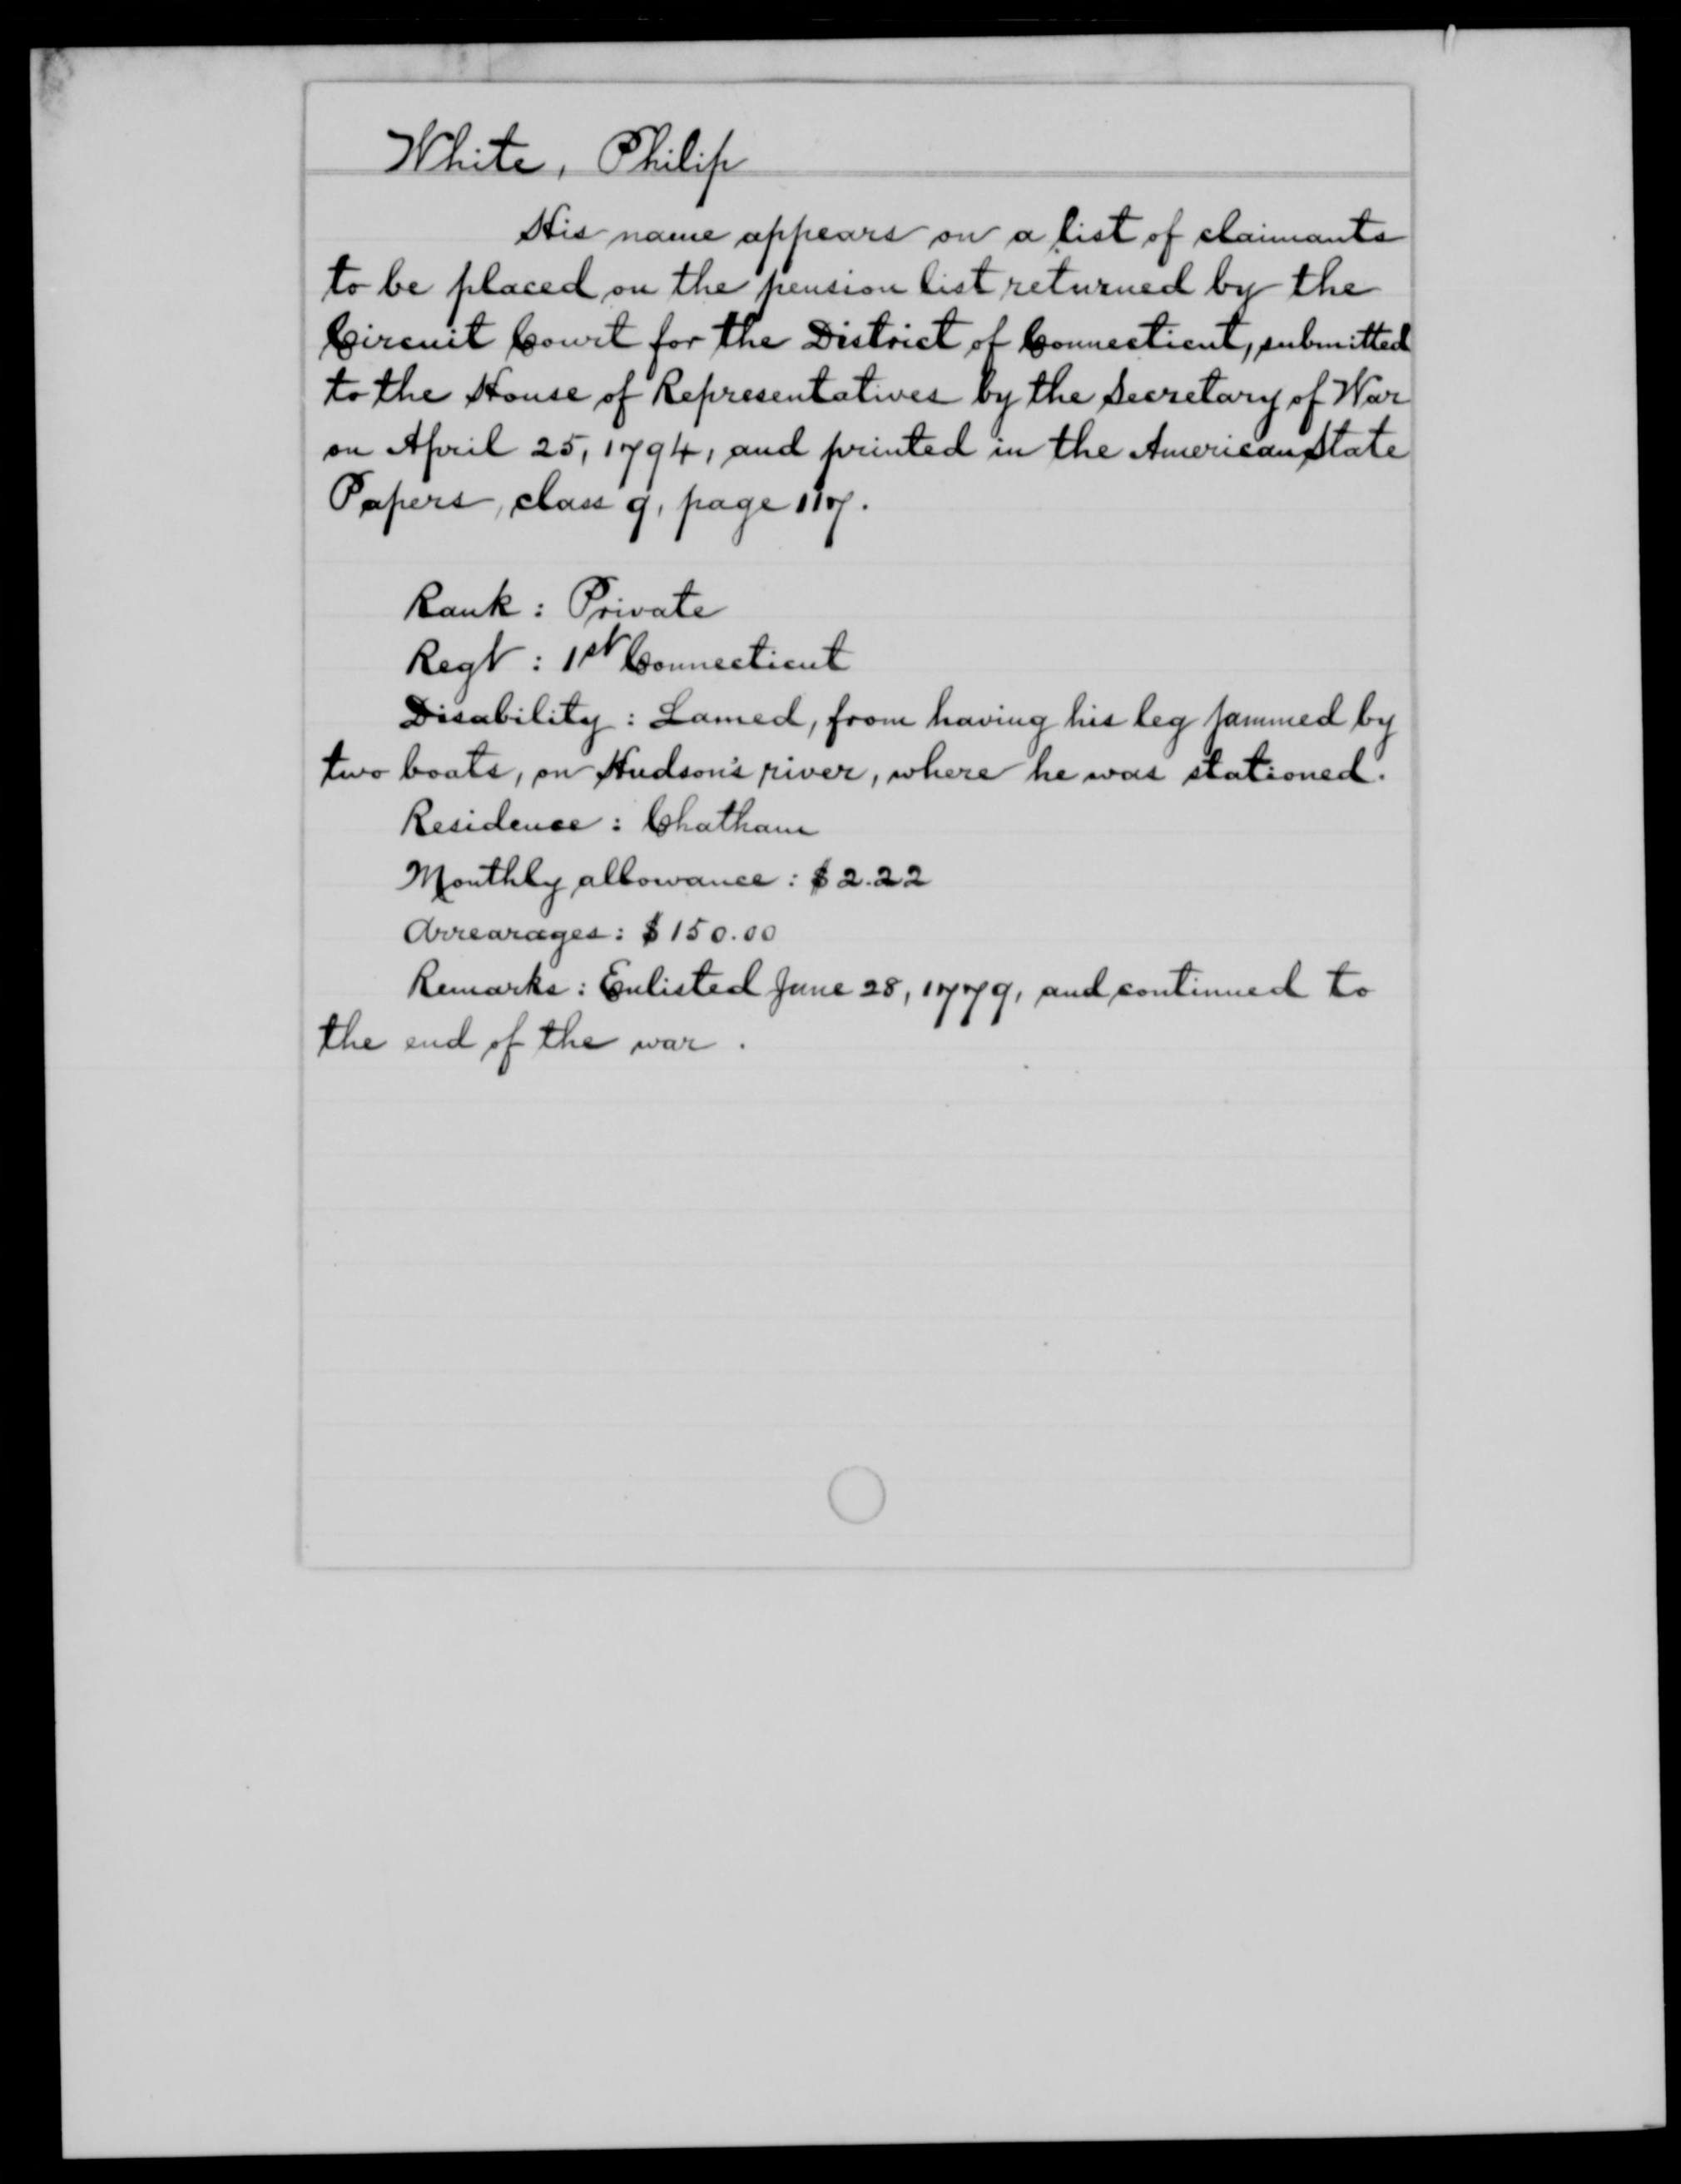White, Philip
His name appears on a list of claimants ┃
to be placed on the pension list returned by the
Circuit Court for the District of Connecticut, submitted
to the House of Representatives by the Secretary of War
on April 25, 1794, and printed in the American State
Papers, class 9, page 117.
Rank: Private
Regt: 1st Connecticut
Disability: lamed, from having his leg jammed by
two boats, on Hudson's river, where he was stationed.
Residence: Chatham
Monthly allowance: $2.22
Arrearages: $150.00
Remarks: Enlisted June 28, 1779, and continued to
the end of the war.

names: Philip White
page: 14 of 50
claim: widow's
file: W. 25,969, Philip White, Conn.